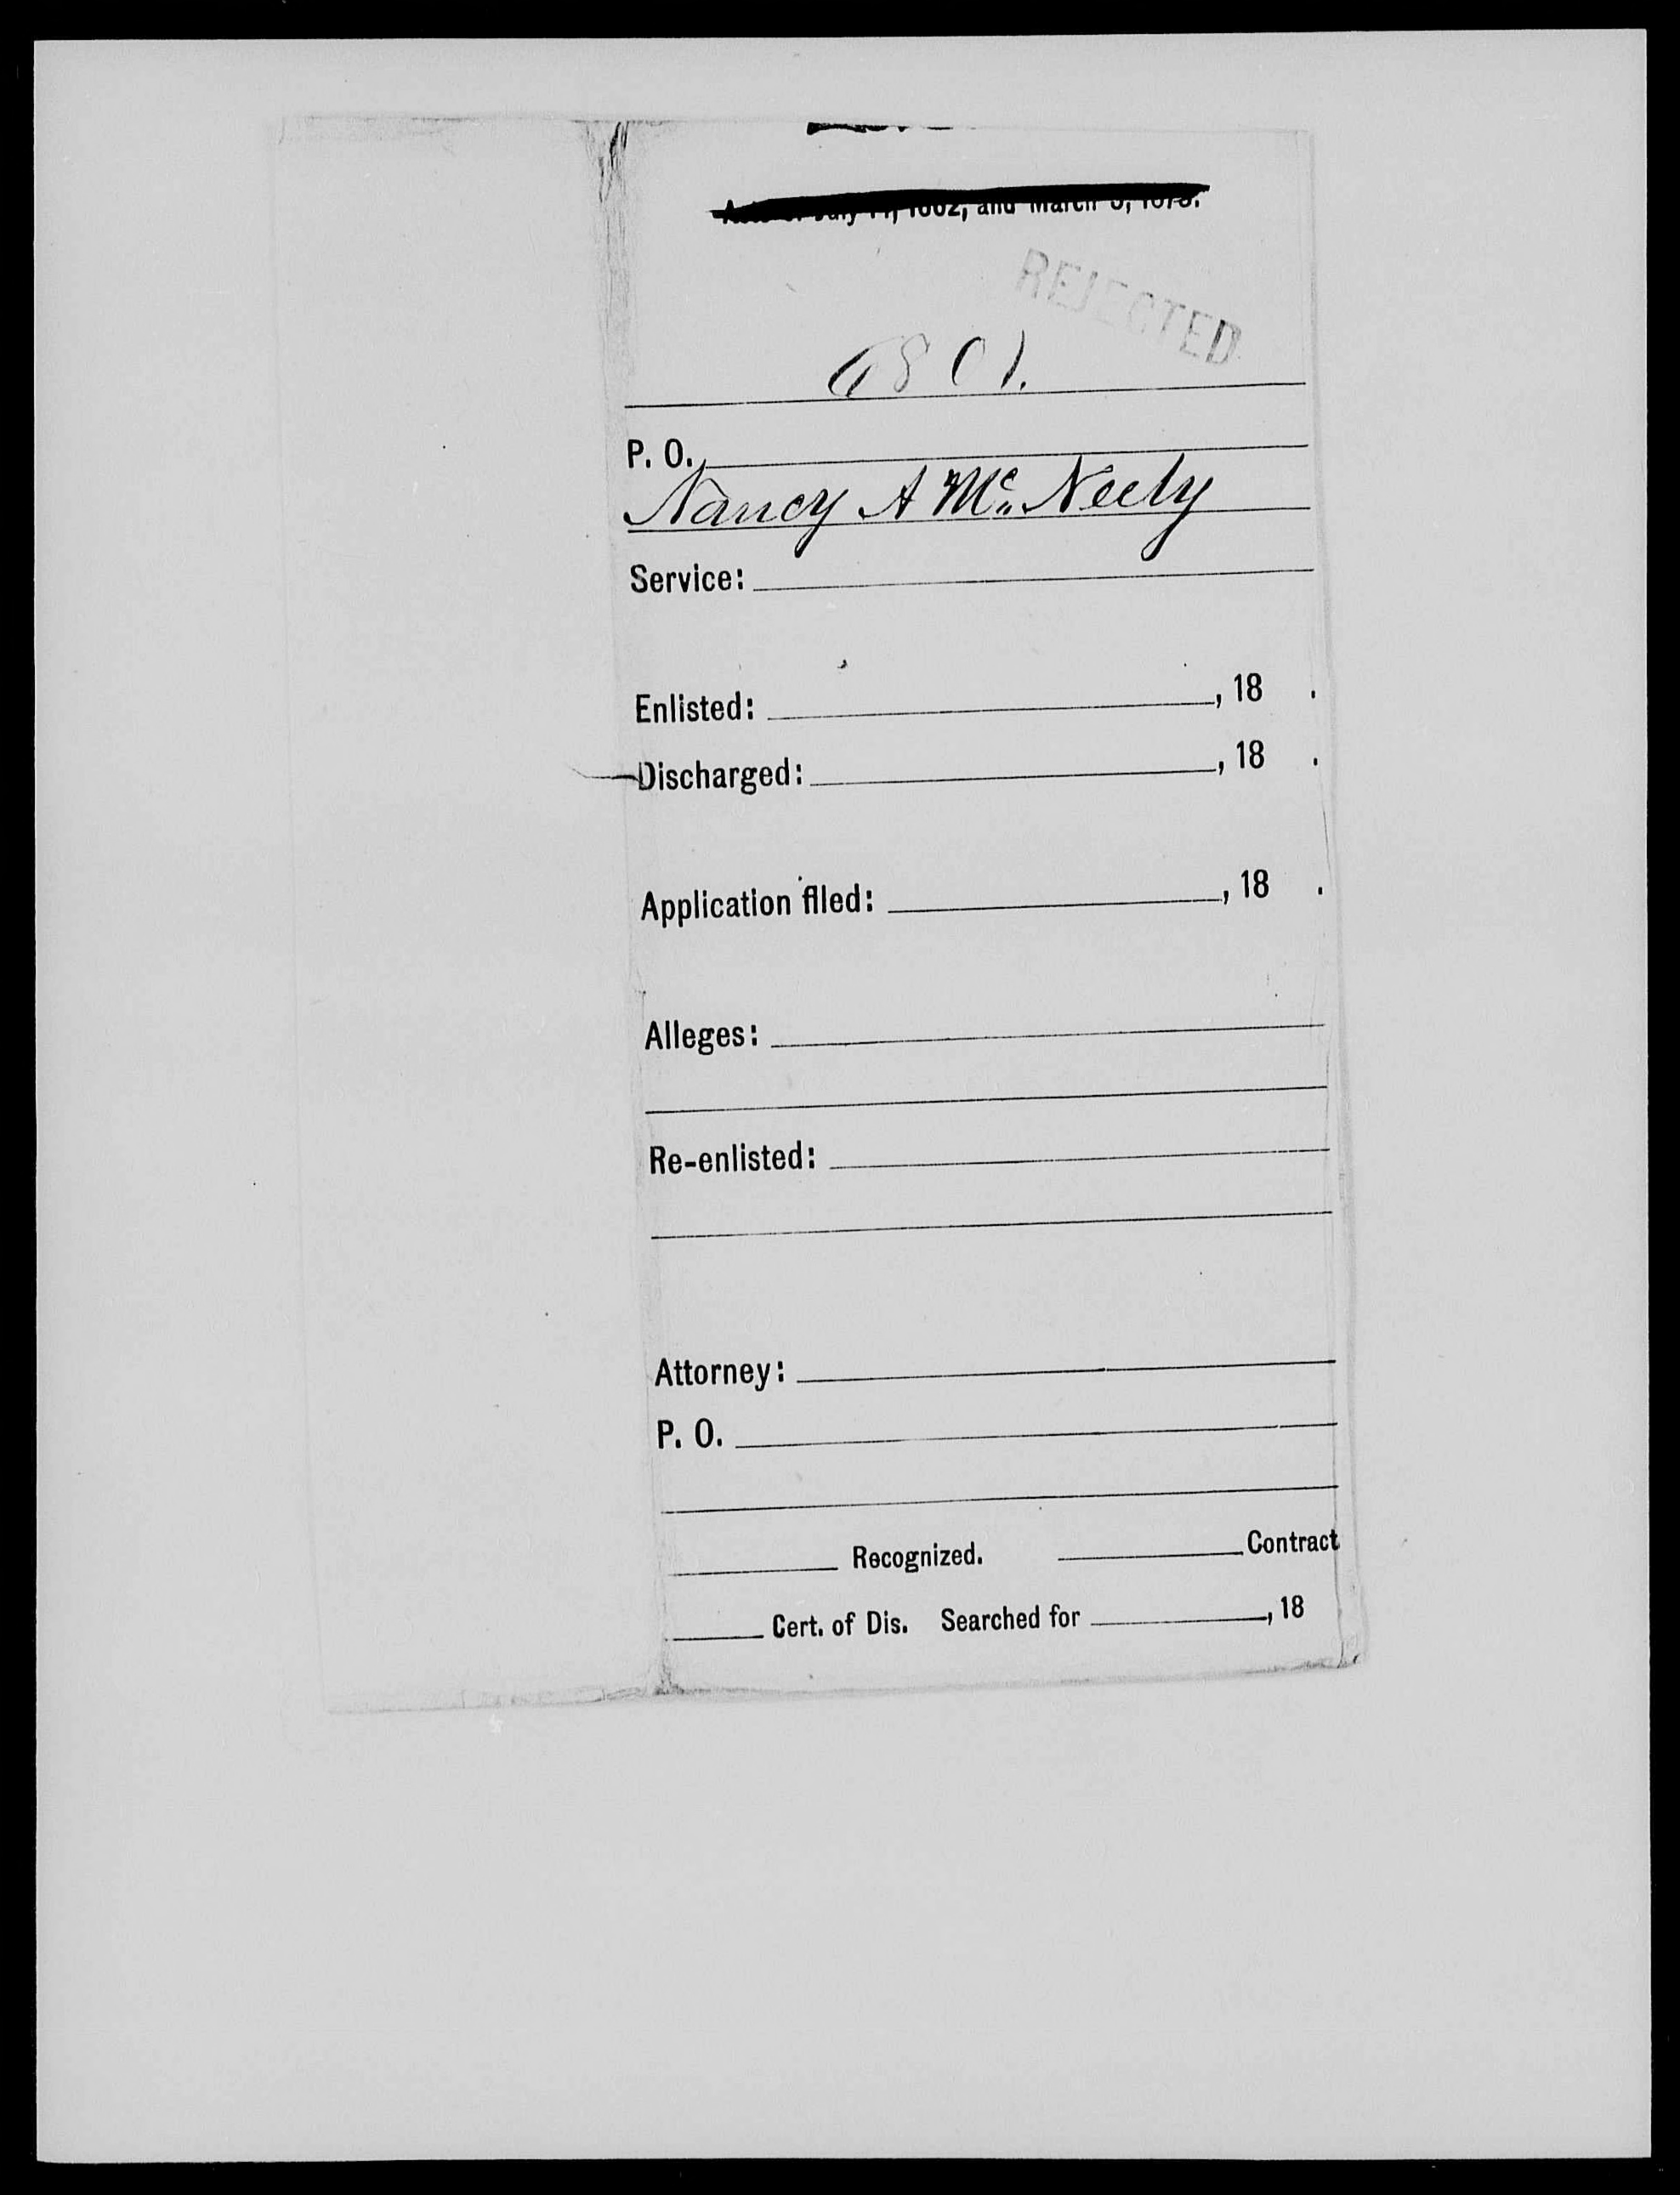REJECTED
6801

P. O.
Nancy A McNeely

Service:
Enlisted:
Discharged:
Application filed:
Alleges:
Re-enlisted:
Attorney:
P. O.
Recognized.
Contract
Cert. of Dis. Searched for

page: 8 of 13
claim: rejected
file: R. 6801, for Robert Mc Neely, Pennsylvania